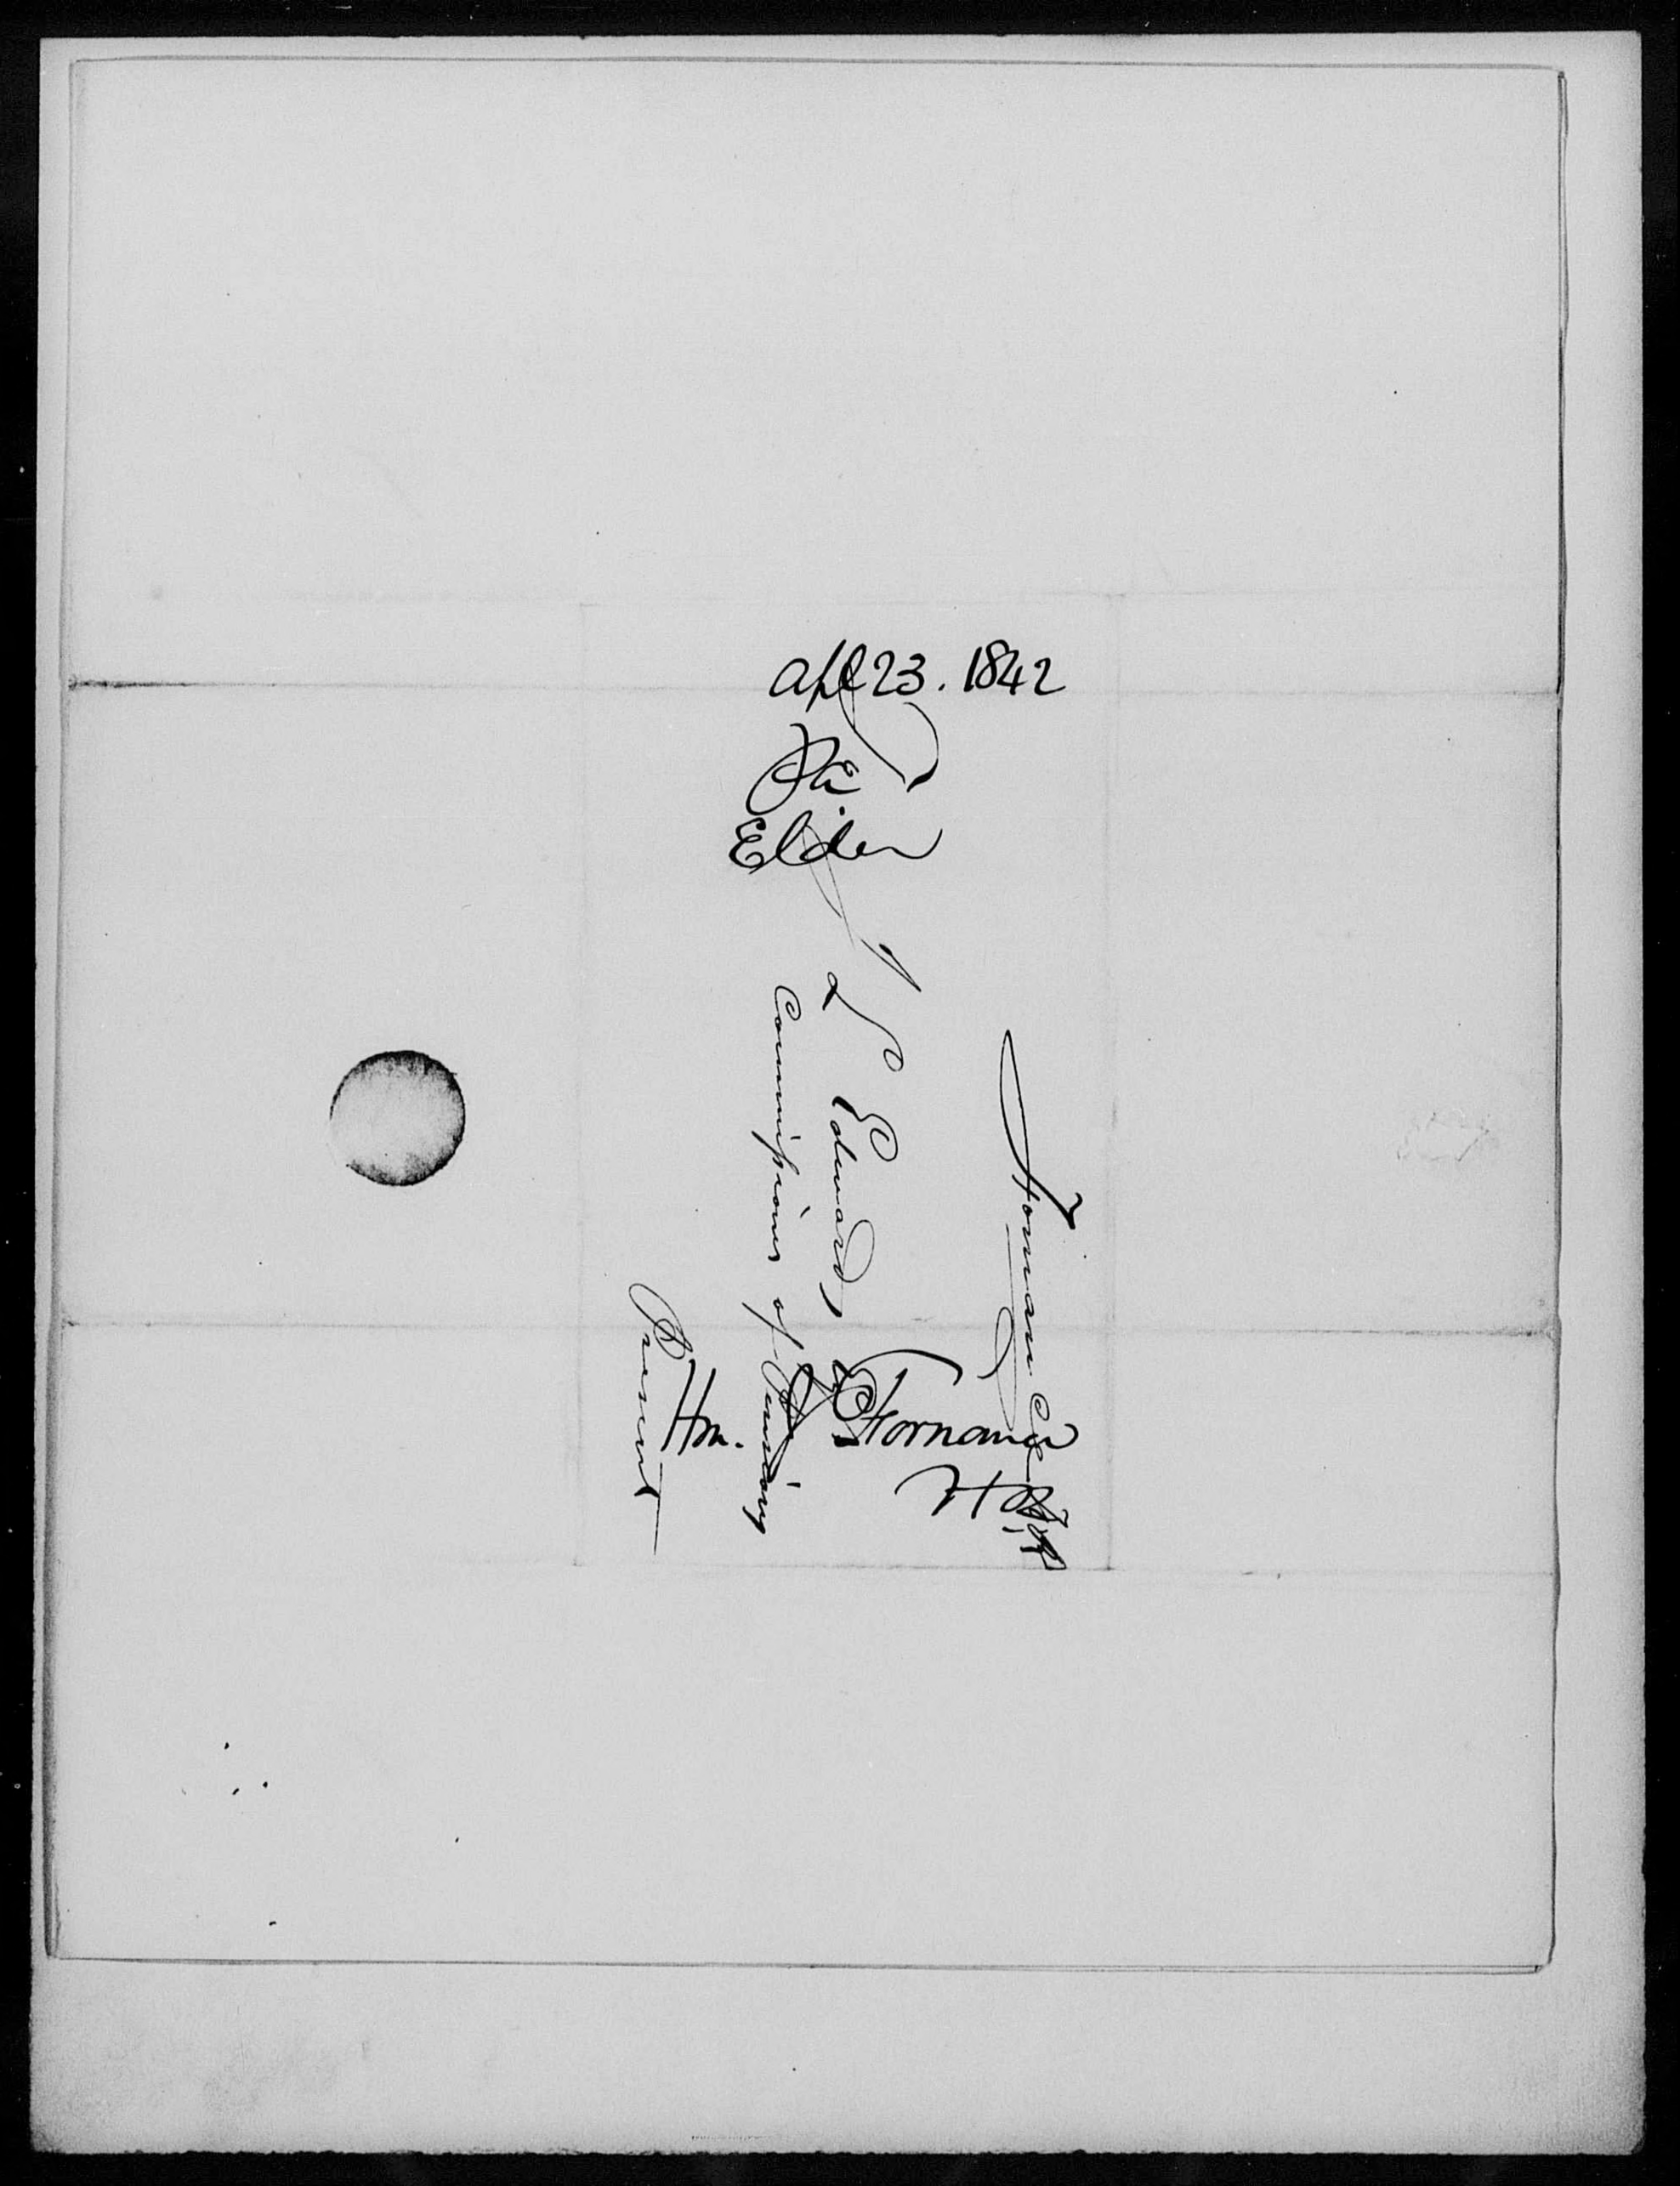Apr 23 1842
PA
Elder

Hon. J. Fornance
Hoz


Fornance ???
J. L. Edwards
Companions of (illegible) 
present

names: J Fornance, Elder, Fornance, J L Edwards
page: 45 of 80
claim: widow's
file: W. 24117, John Elder, Penn.